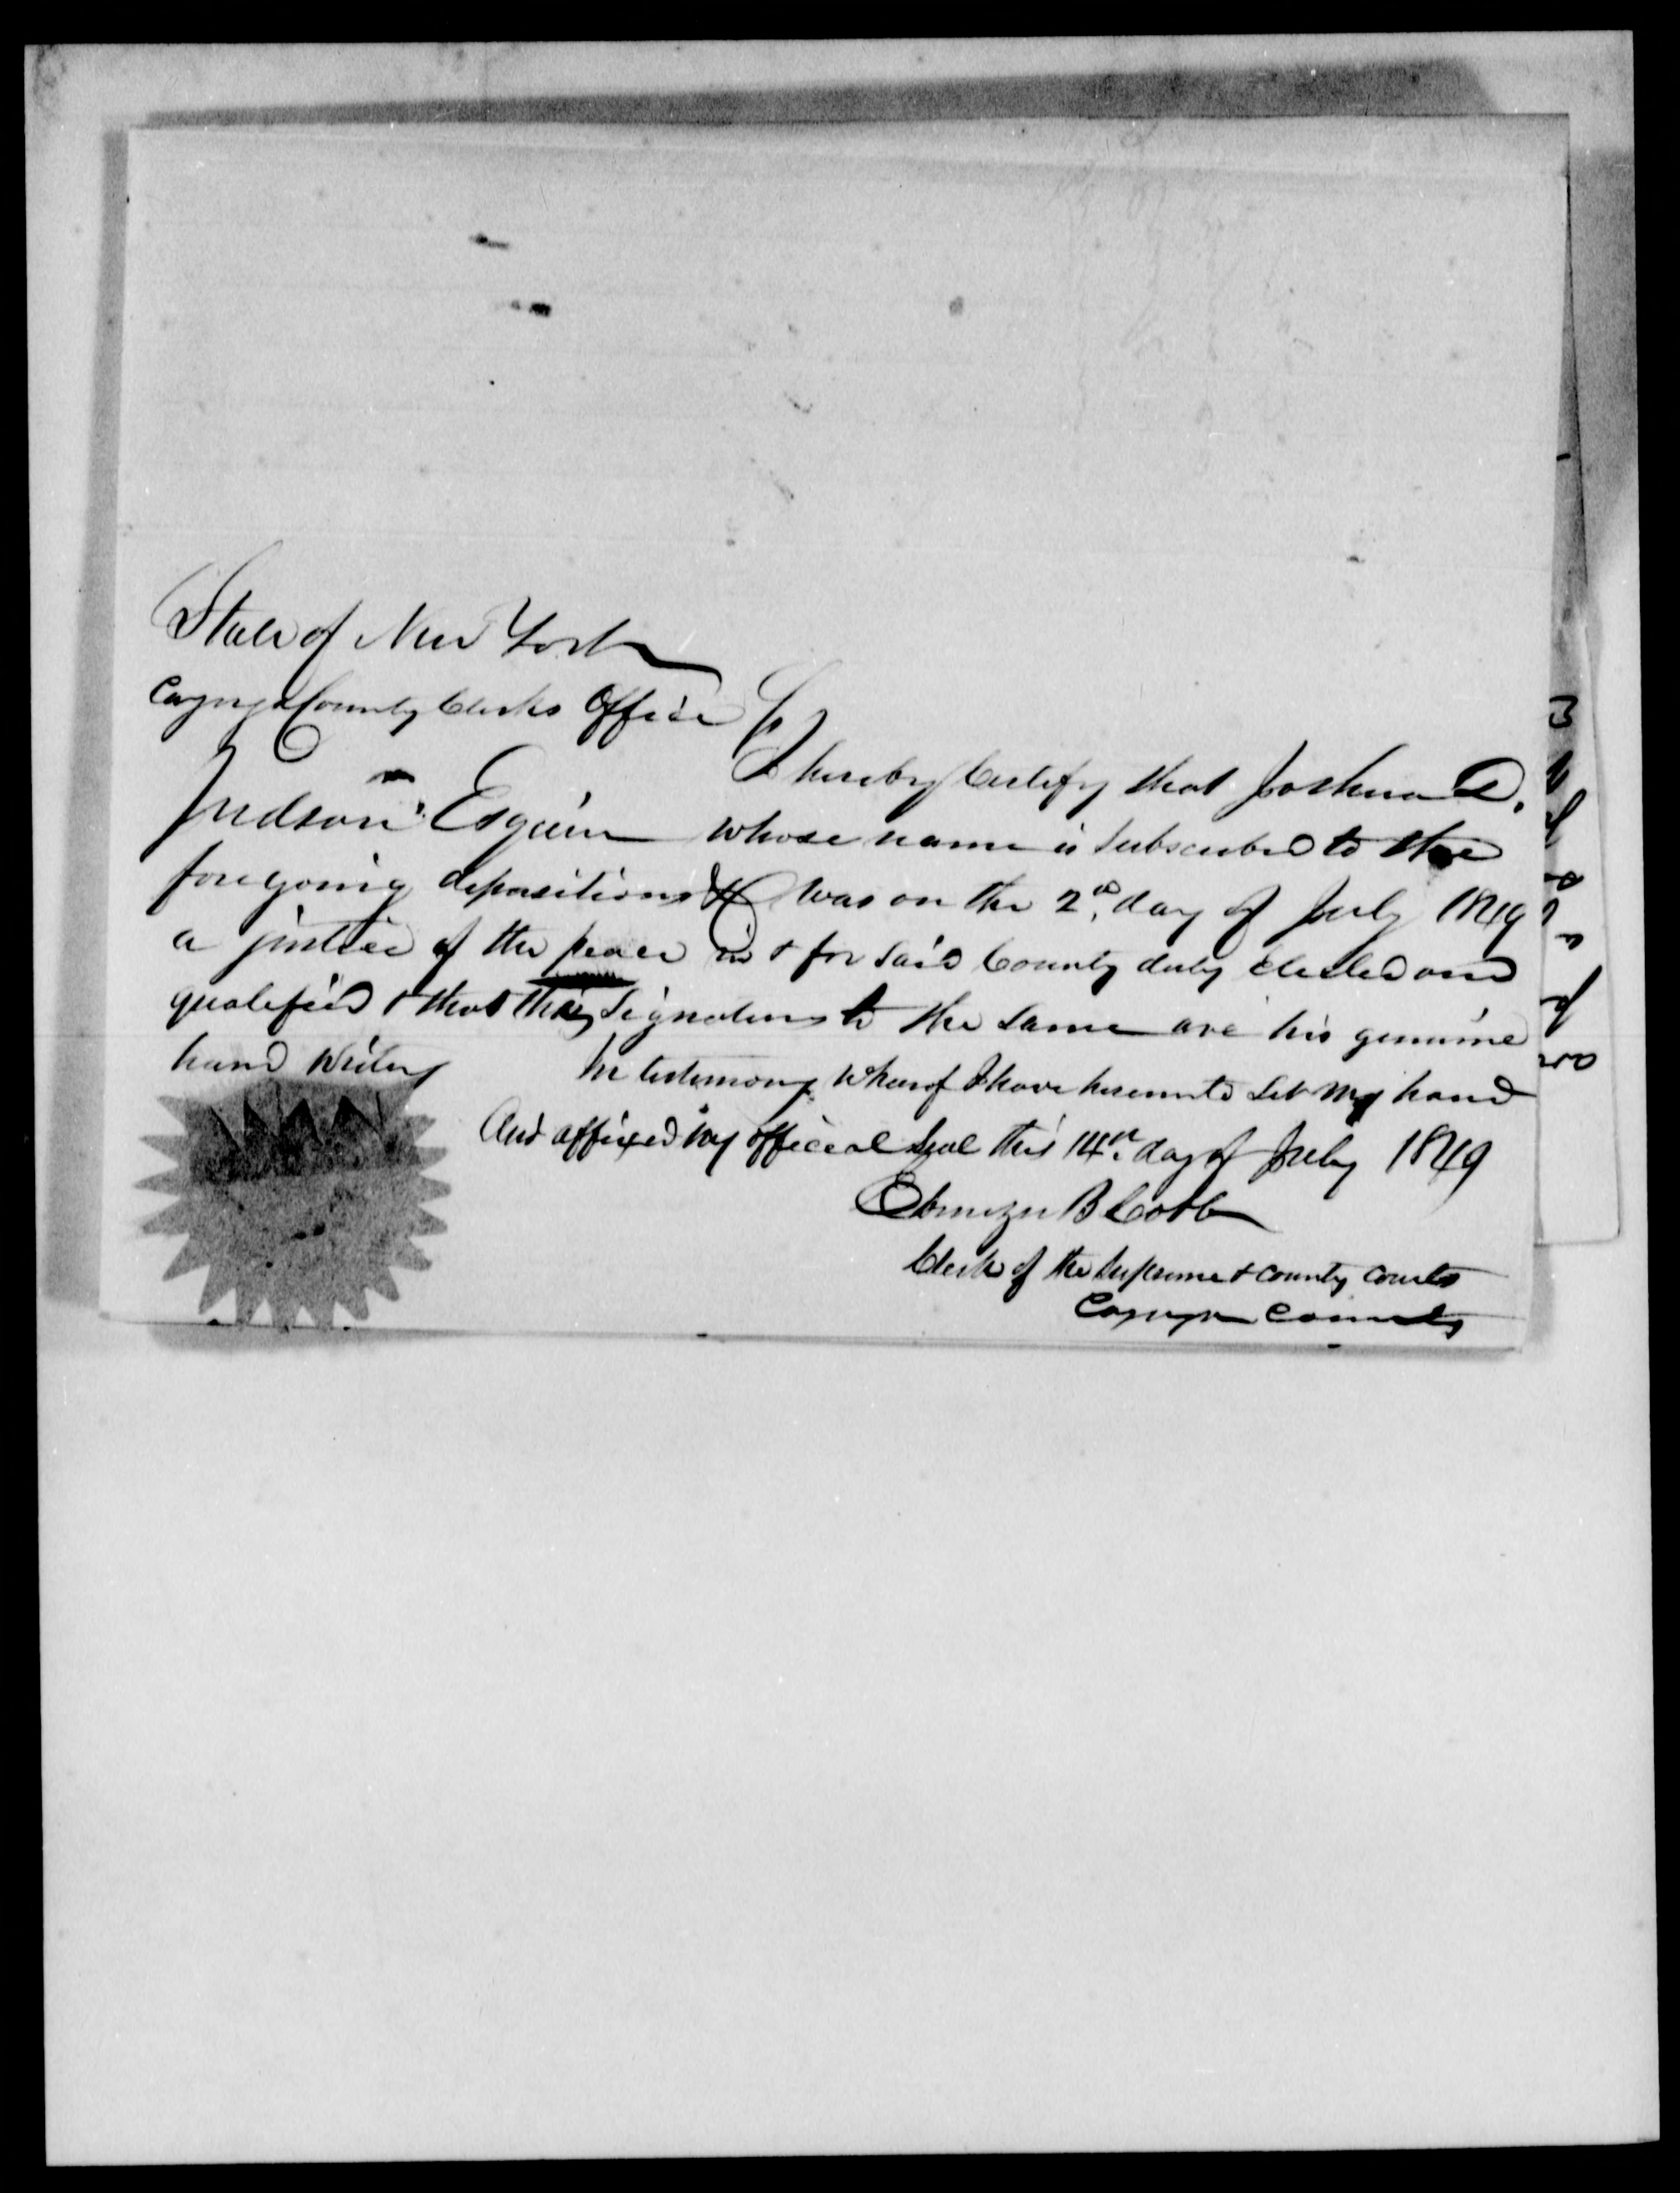State of New York
Cayuga County Clerks Office
I hereby certify that Joshua D. Judson Esquire whose nane is subscribed to the foregong depostions  &c. was on the 2d day of July 1849 a Justice of the peace in & for said County duly elected and qualified & that the signatures to the same are his genuine hand writing.
(Seal)
In testimony whereof I have hereunto set my hand and affixed ny official seal this 14th day of July 1848
Ebenezer B. Cobb
Clerk of the Supreme & County Courts
Cayuga County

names: Joshua D Judson, Ebenezer B Cobb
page: 18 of 98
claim: widow's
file: W. 1682, Valentine Wheeler, Mass.